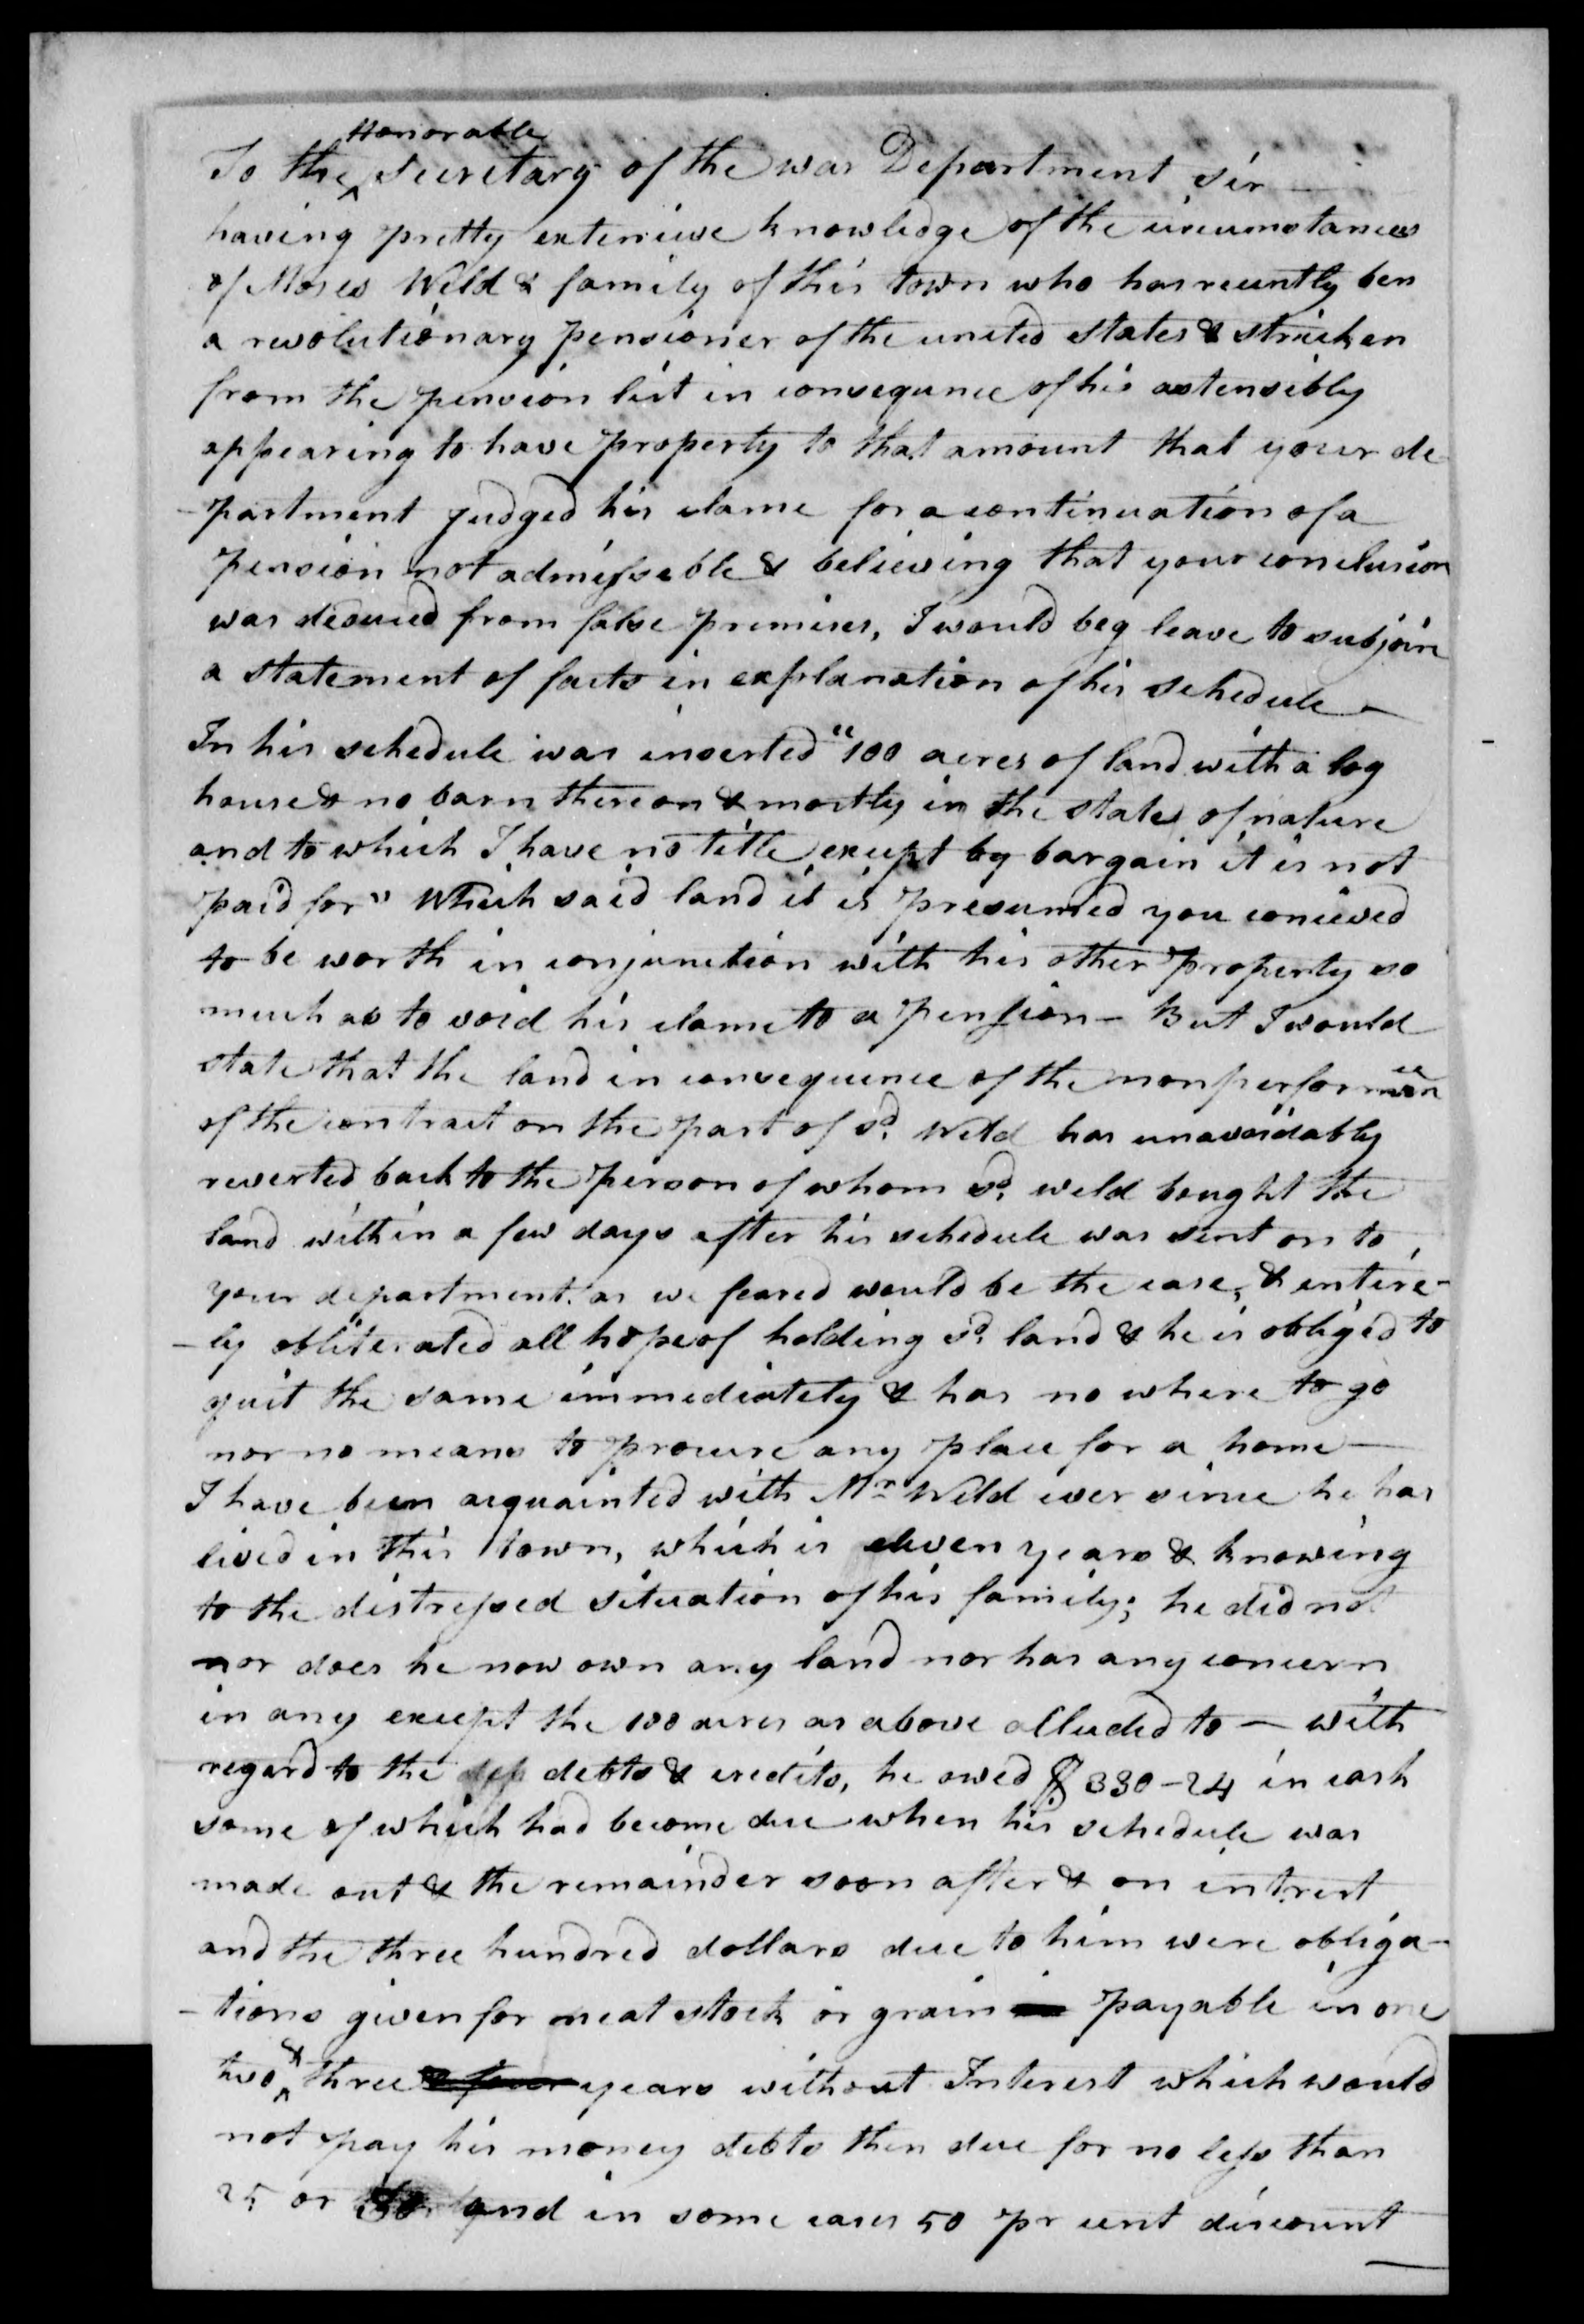To the ^Honorable Secretary of the War Department, Sir -
having pretty extensive knowledge of the circumstances of Moses Weld & family of this town who has recently been a revolutionary pensioner of the United States & stricken
from the pension list in consequence of his ostensibly appearing to have property to that amount that your department judged his claim for a continuation of a pension not admissible & believing that your conclusion was deduced from false premises, I would beg leave to subjoin a statement of facts in explanation of his schedule-
In his schedule was inserted "100 acres of land with a log home & no barn thereon & mostly in the state of nature and to which I have no title except by bargain it is not paid for" which said land it is presumed you conceived
to be worth in conjunction with his other property so much as to void his claim to a pension - But I would state that the land in consequence of the nonperformance
of the contract on the part of said Weld has unavoidably reverted back to the person of whom said Weld bought the
land within a few days after his schedule was sent on to your department as we feared would be the case, & entirely obliterated all hope of holding said land & he is obliged to quit the same immediately & has no where to go nor no means to procure any place for a home-
I have been acquainted with Mr Weld ever since he has lived in this town, which is eleven years & knowing to the distressed situation of his family; he did not nor does he now own any land nor has any concern in any except the 100 acres as above alluded to -  with
regard to the debts & credits, he owed $330.24 in cash some of which had become due when his schedule was made out & the remainder soon after & on interest
and the three hundred dollars due to him were obligations given for meat stock or grain payable in one two & three years without Interest which would not pay his money debts then due for no less than 25 or 30 and in some cases 50 percent discount -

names: Moses Weld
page: 68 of 87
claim: widow's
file: W. 25,966, Moses Weld, Mass.